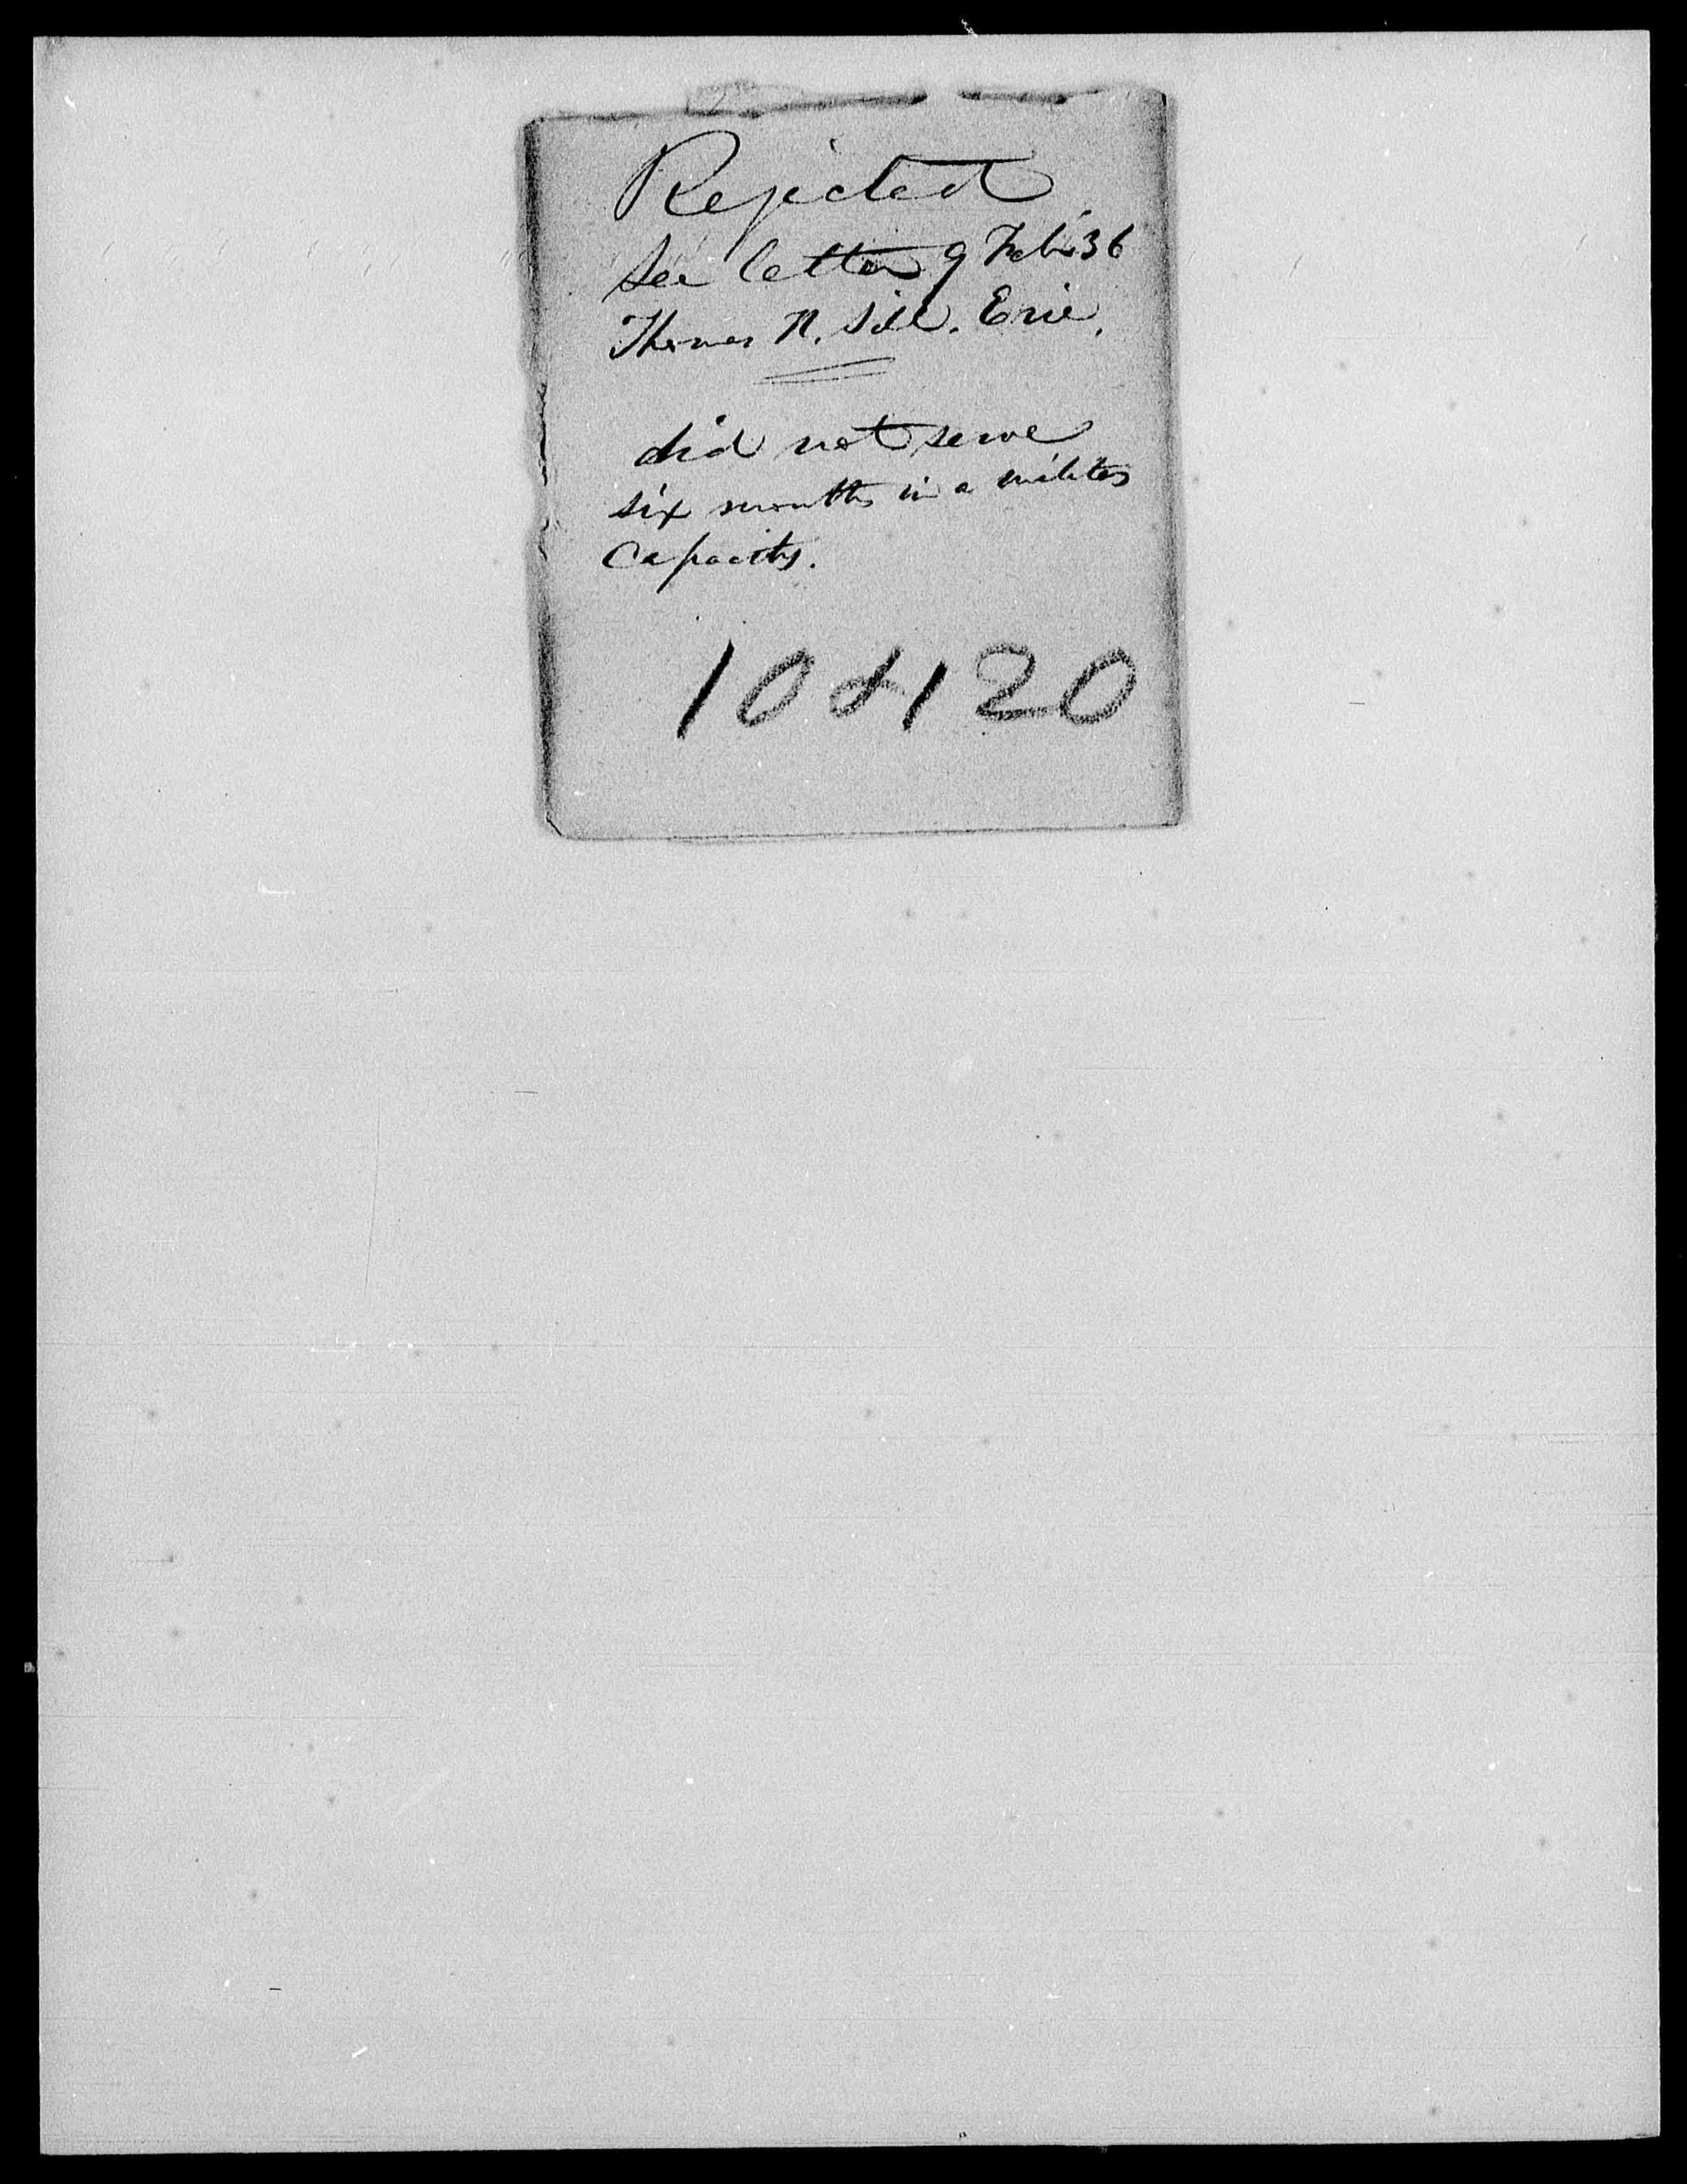Rejected
see letter 9 Feb 36
Thomas H Sill, Erie

did not serve six months in a military capacity

10420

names: Thomas H Sill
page: 11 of 13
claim: rejected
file: R 10420, for Martin Tayler, Connecticut